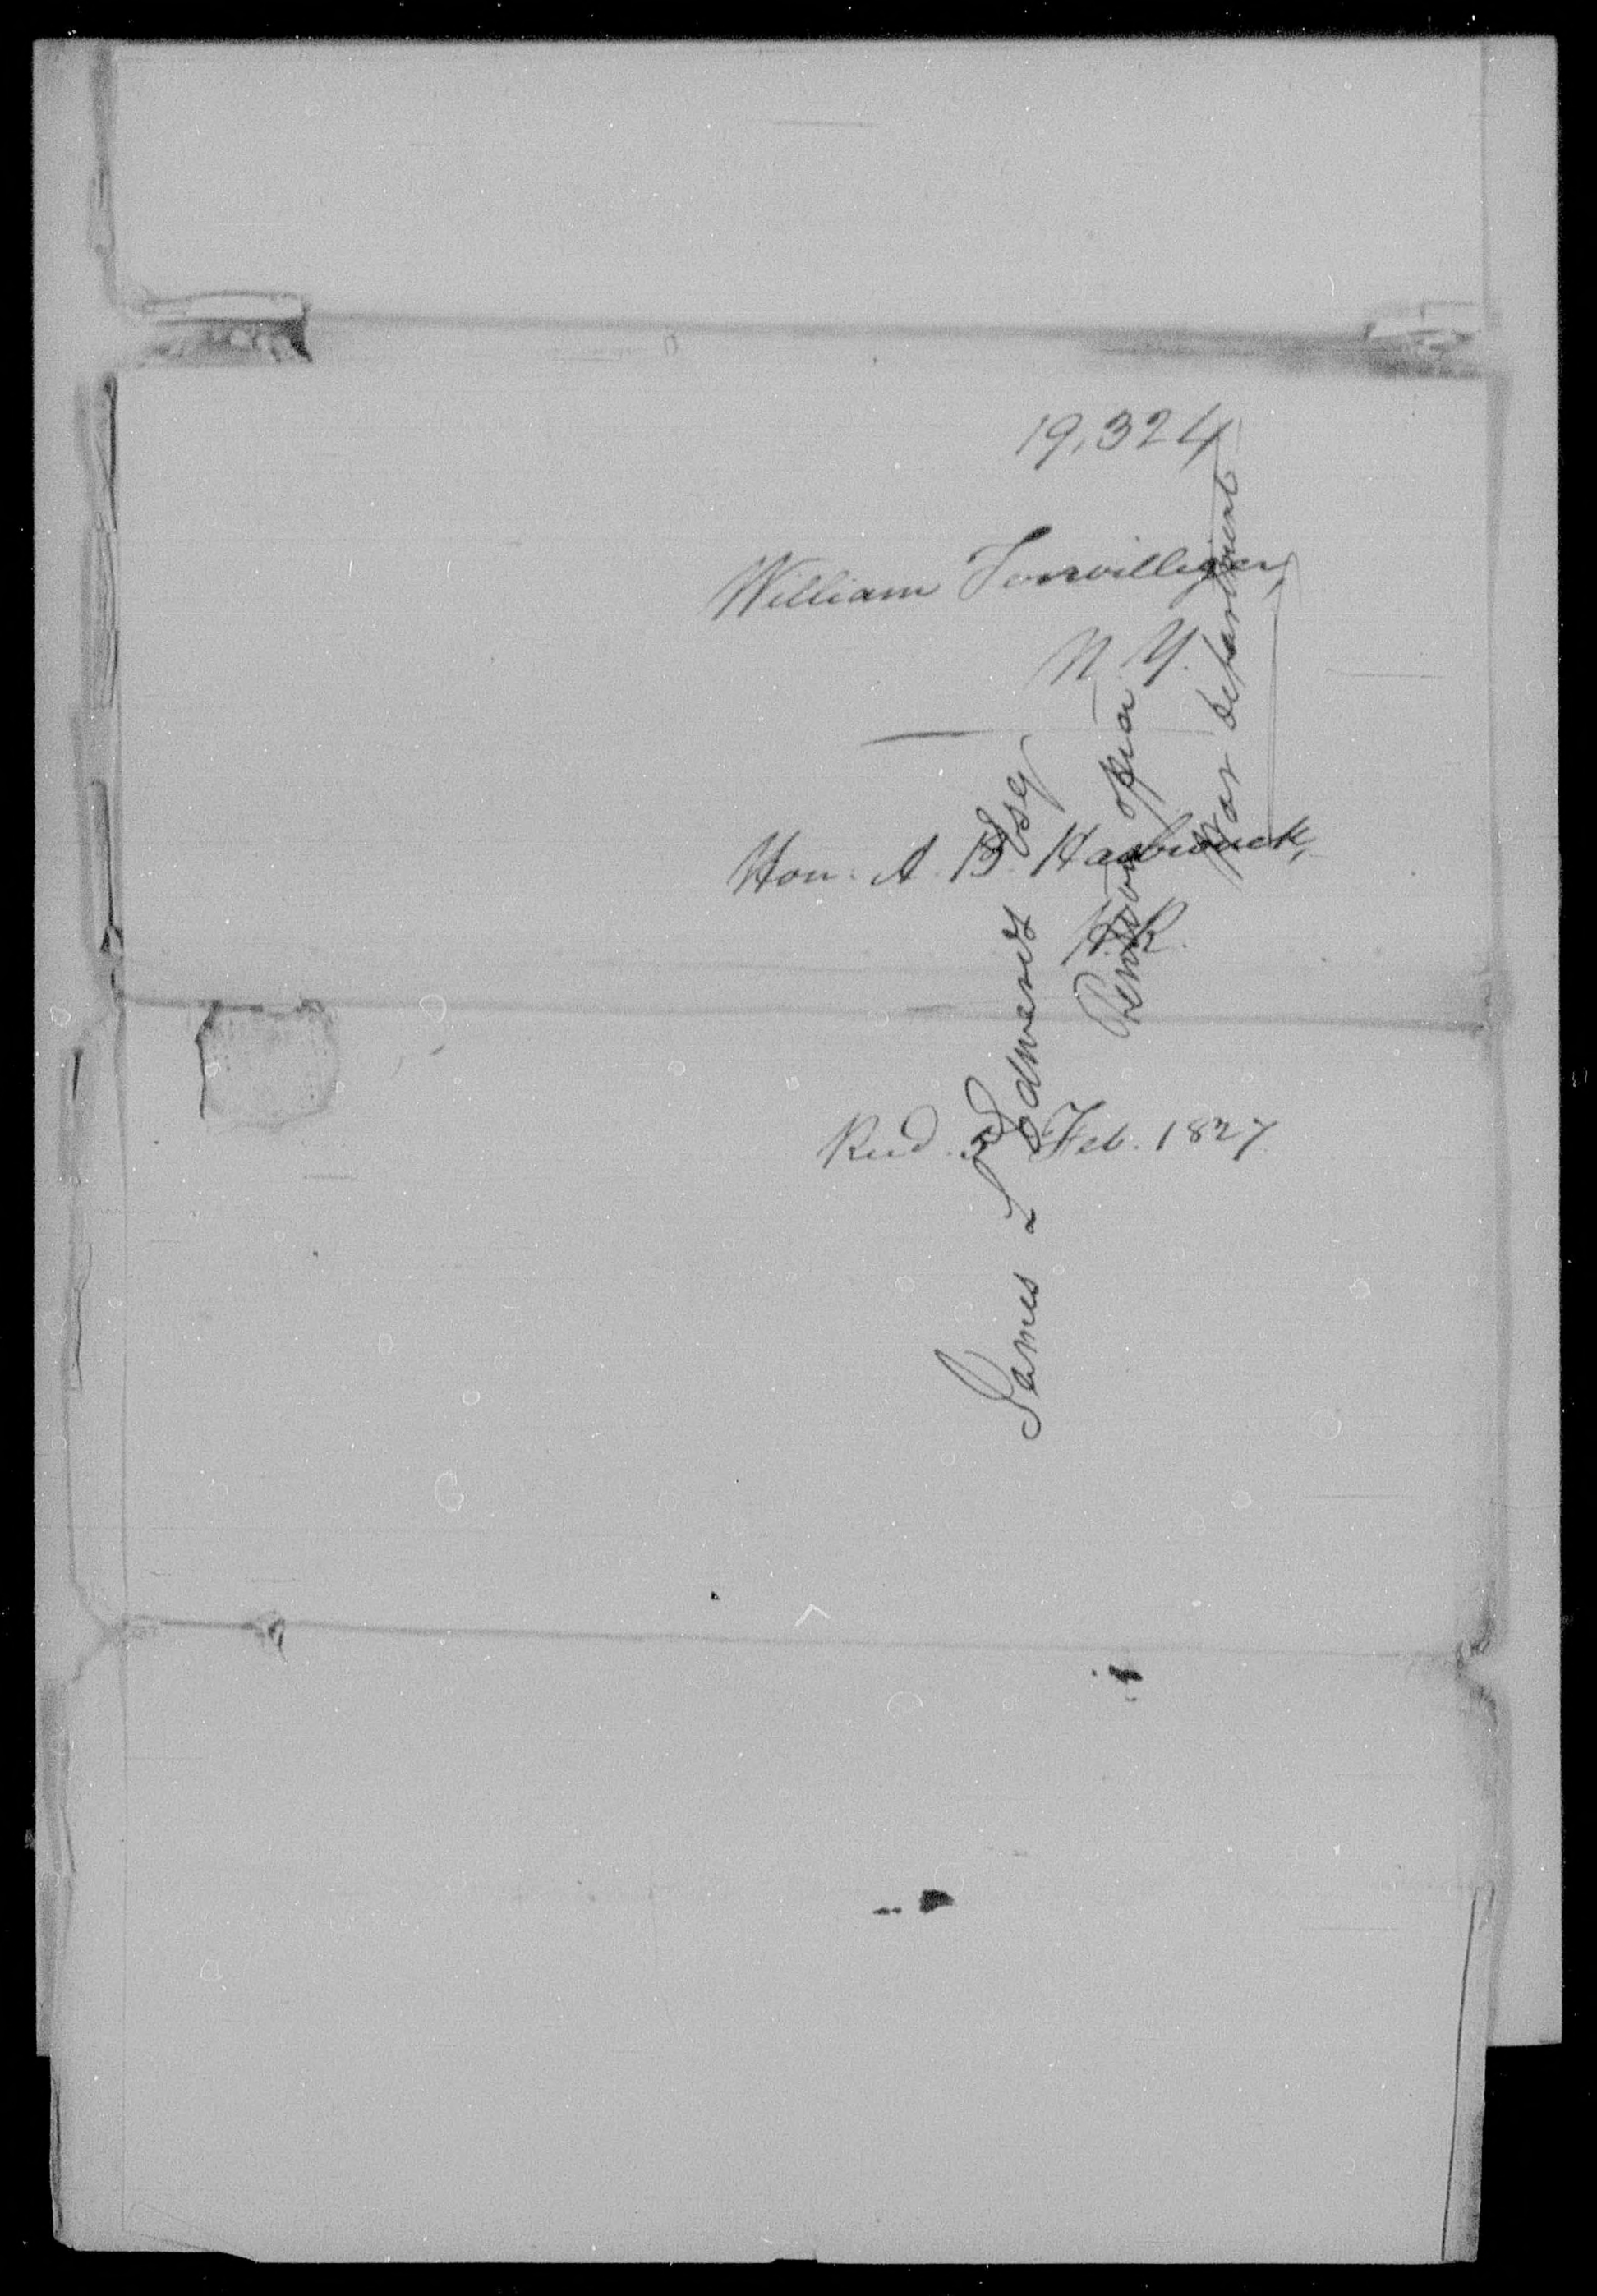19324
William Terwilliger
N. Y.
Hon. A.B. Hasbrouck

Red Feb. 1827

James L Edwards 
Commissioner of Deeds 
War Department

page: 47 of 64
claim: survivor's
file: S. 42,464, for William Terwilliger, New York